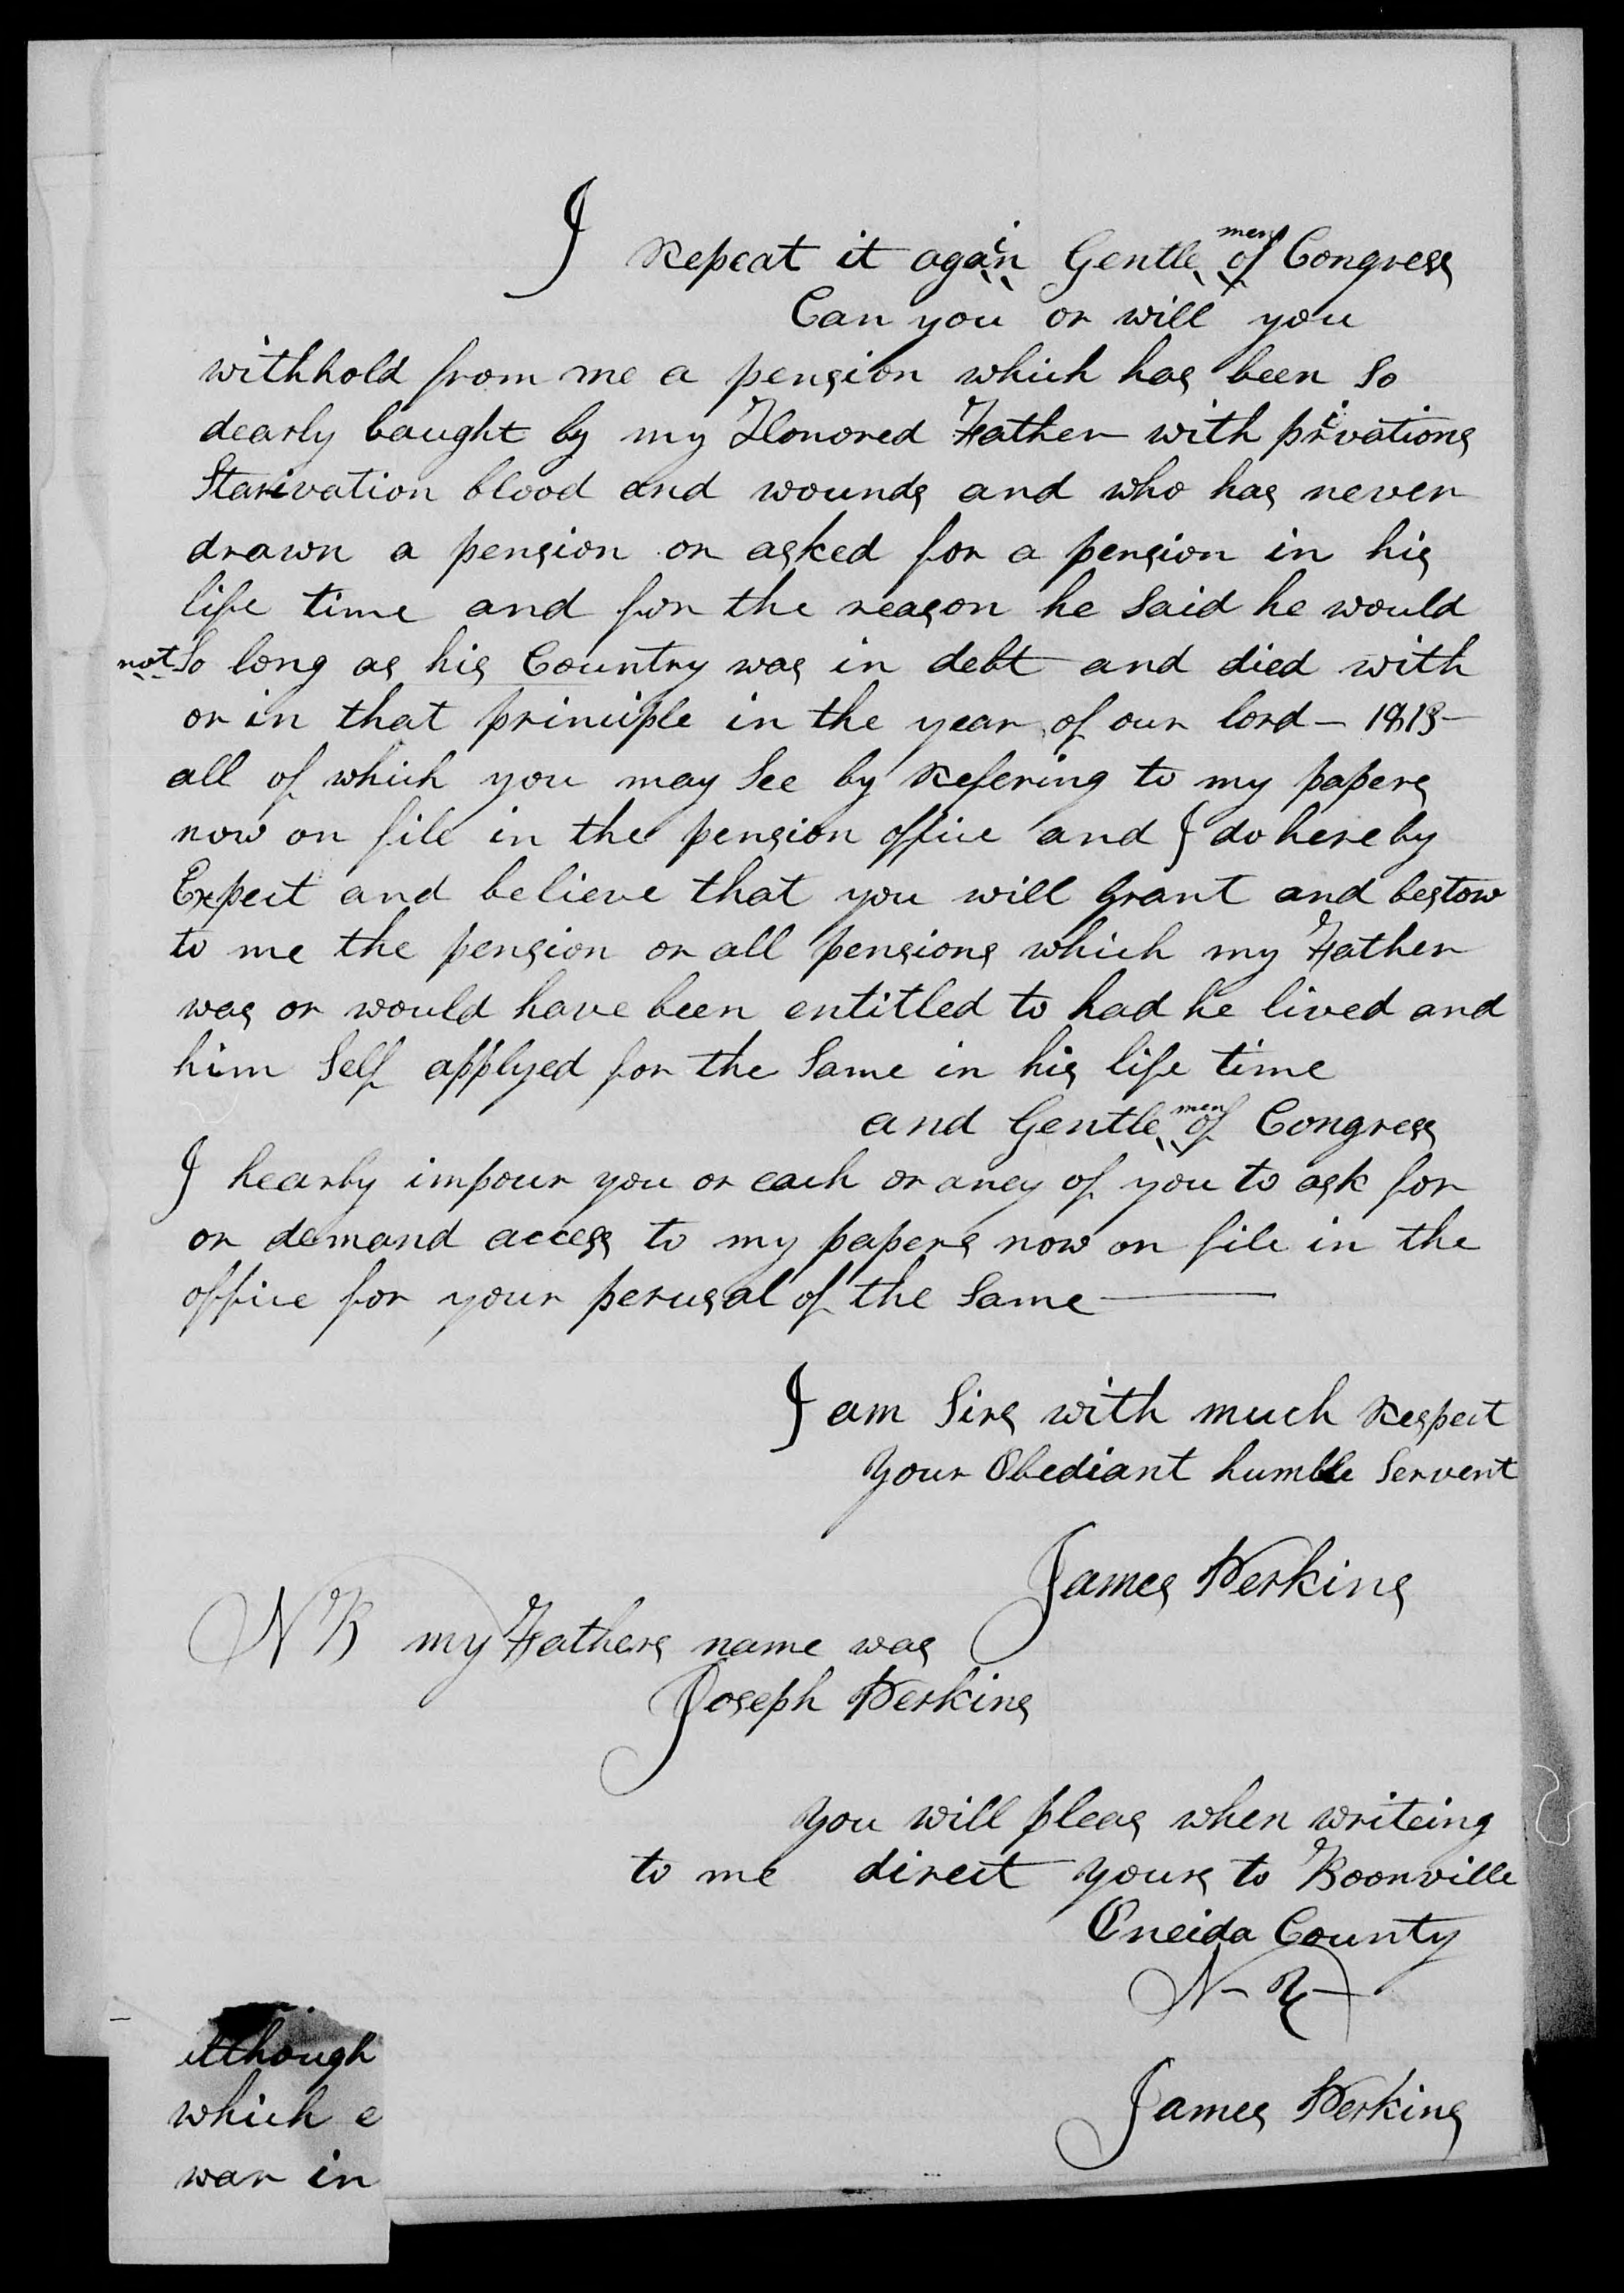I repeat it again Gentle men of Congress 
Can you or will you withhold from me a pension which has been so dearly baught by my Honored Father with privations Starivation blood and wounds and who has never drawn a pension or asked for a pension in his life time and for the reason he said he would not so long as his Country was in debt and died with or in that principle in the year of our Lord - 1813 - all of which you may see by refering to my papers now on file in the pension office and I do hereby Expect and believe that you will grant and bestow to me the pension or all pensions which my Father was or would have been entitled to had he lived and him self applyed for the same in his life time 
and Gentle men of Congress I hearby impour you or each or any of you to ask for or demand access to my papers now on file in the office for your perusal of the same –
I am Sirs with much respect 
Your obedient humble Servent 
[signed] James Perkins

NB my Fathers name was Joseph Perkins 
You will pleas when writeing to me direct yours to Boonville Oneida County NY 
[signed] James Perkins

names: James Perkins; Joseph Perkins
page: 39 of 44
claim: rejected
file: R. 17,033, for Joseph Perkins, New York